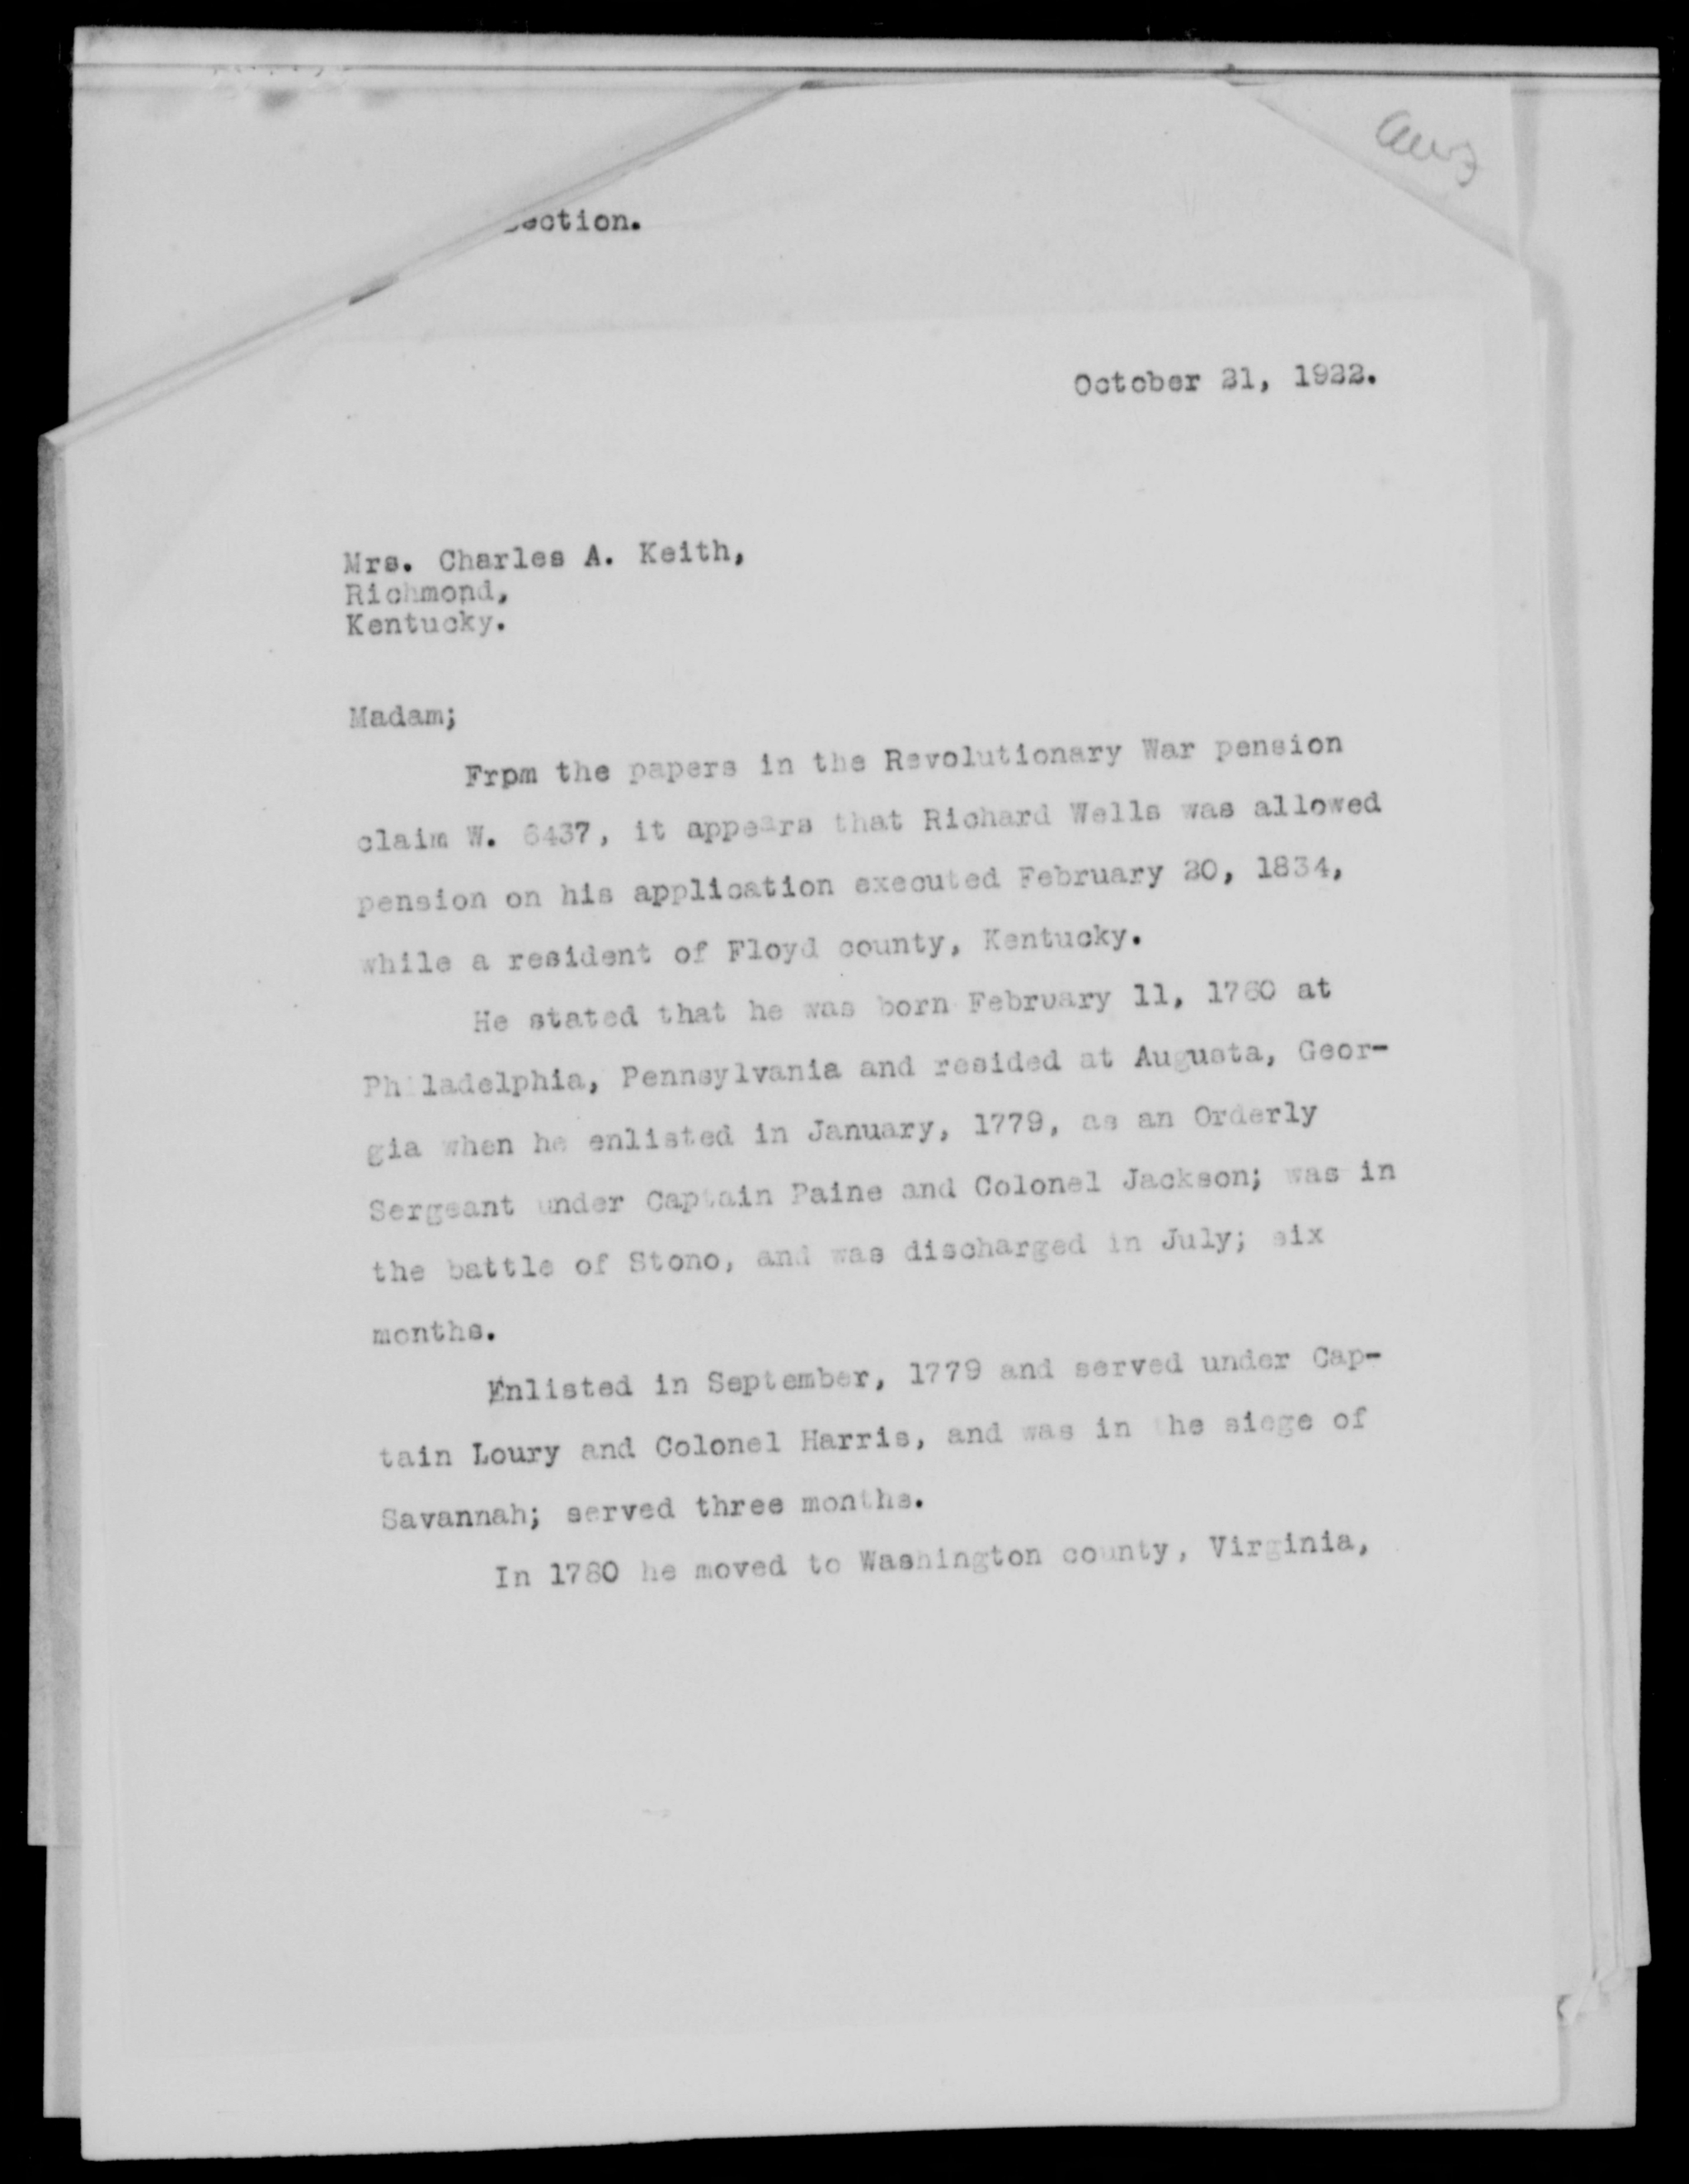[page foldd over] ection.
AWF

October 21, 1922.

Mrs. Charles A. Keith,
Richmond,
Kentucky.

Madam;
From the papers in the Revolutionary War pension
claim W. 66437, it appears that Richard Wells was allowed
pension on his application executed February 20, 1834,
while a resident of Floyd County, Kentucky.
He stated that he was born February 11, 1780 at
Philadelphia, Pennsylvania and resided at Augusta, Georgia
when he enlisted in January, 1779, as an orderly
Sergeant under Captain Paine and Colonel Jackson; was in
the battle of Stono, and was discharged in July, six
months.
Enlisted in September, 1779 and served under Captain
Loury and Colonel Harris, and was in the siege of
Savannah; served three months.
In 1780 he moved to Washington county, Virginia,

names: Paine, Jackson, Charles A Keith, Loury, Richard Wells, Harris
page: 99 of 100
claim: widow's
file: W. 6437, Richard Wells, Ga Va.